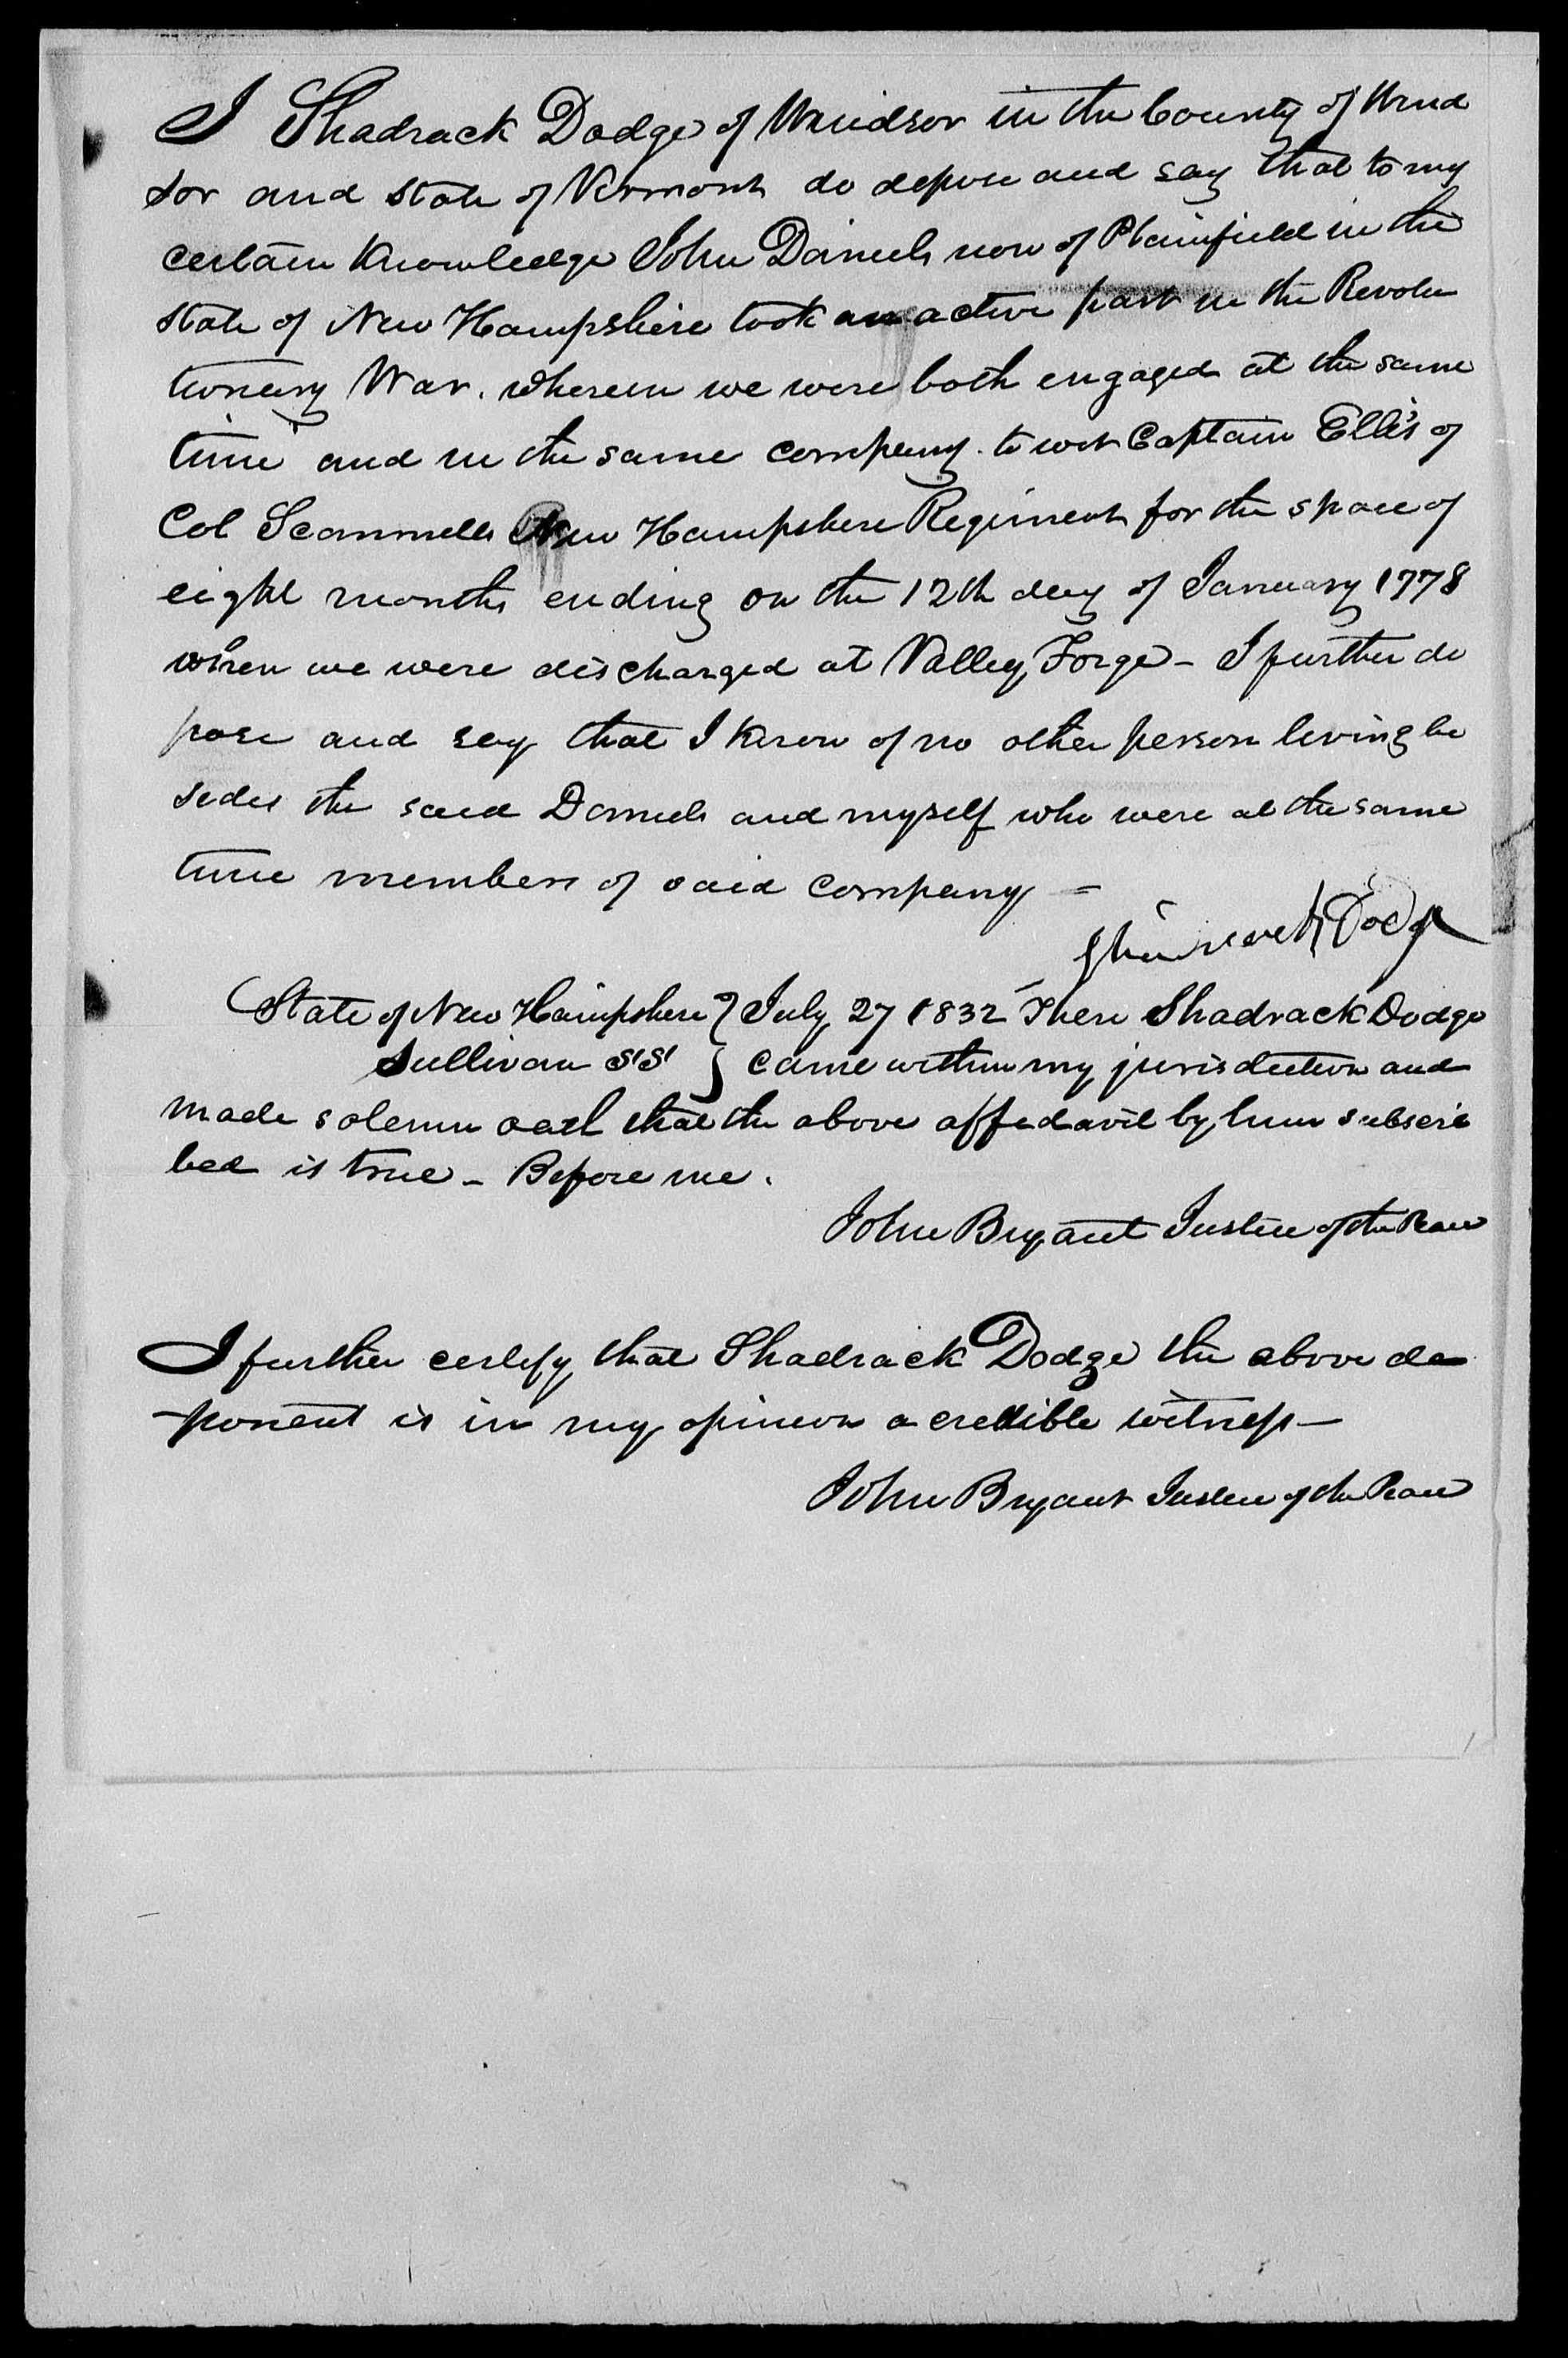I Shadrack Dodge of Windsor in the County of Windsor and State of Vermont do depose and say that to my certain knowledge John Daniels now of Plainfield in the State of New Hampshire took an active part in the Revolutionary War, wherein we were both engaged at the same time and in the same company , to wit Captain Ellis of Col Scammells New Hampshire Regiment for the space of eight months ending on the 12th day of January 1778 when we were discharged at Valley Forge.  I further depose and say that I know of no other person living besides the said Daniels and myself who were at the same time members of said company.
[signed] Shadrack Dodge

State of New Hampshire
Sullivan ss}  July 27 1832
Then Shadrack Dodge came within my jurisdiction and made solemn oath that the above affidavit by him subscribed is true - Before me,
[signed] John Bryant   Justice of the Peace

I further certify that Shadrack Dodge the above deponent is in my opinion a credible witness - 
[signed] John Bryant  Justice of the Peace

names: Shadrack Dodge, Shadrack Dodge, Ellis, John Bryant, John Bryant, John Daniels, Shadrack Dodge, Daniels, Shadrack Dodge, Scanmell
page: 27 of 43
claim: widow's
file: W 683, John Daniels, Continental Mass. N.H.